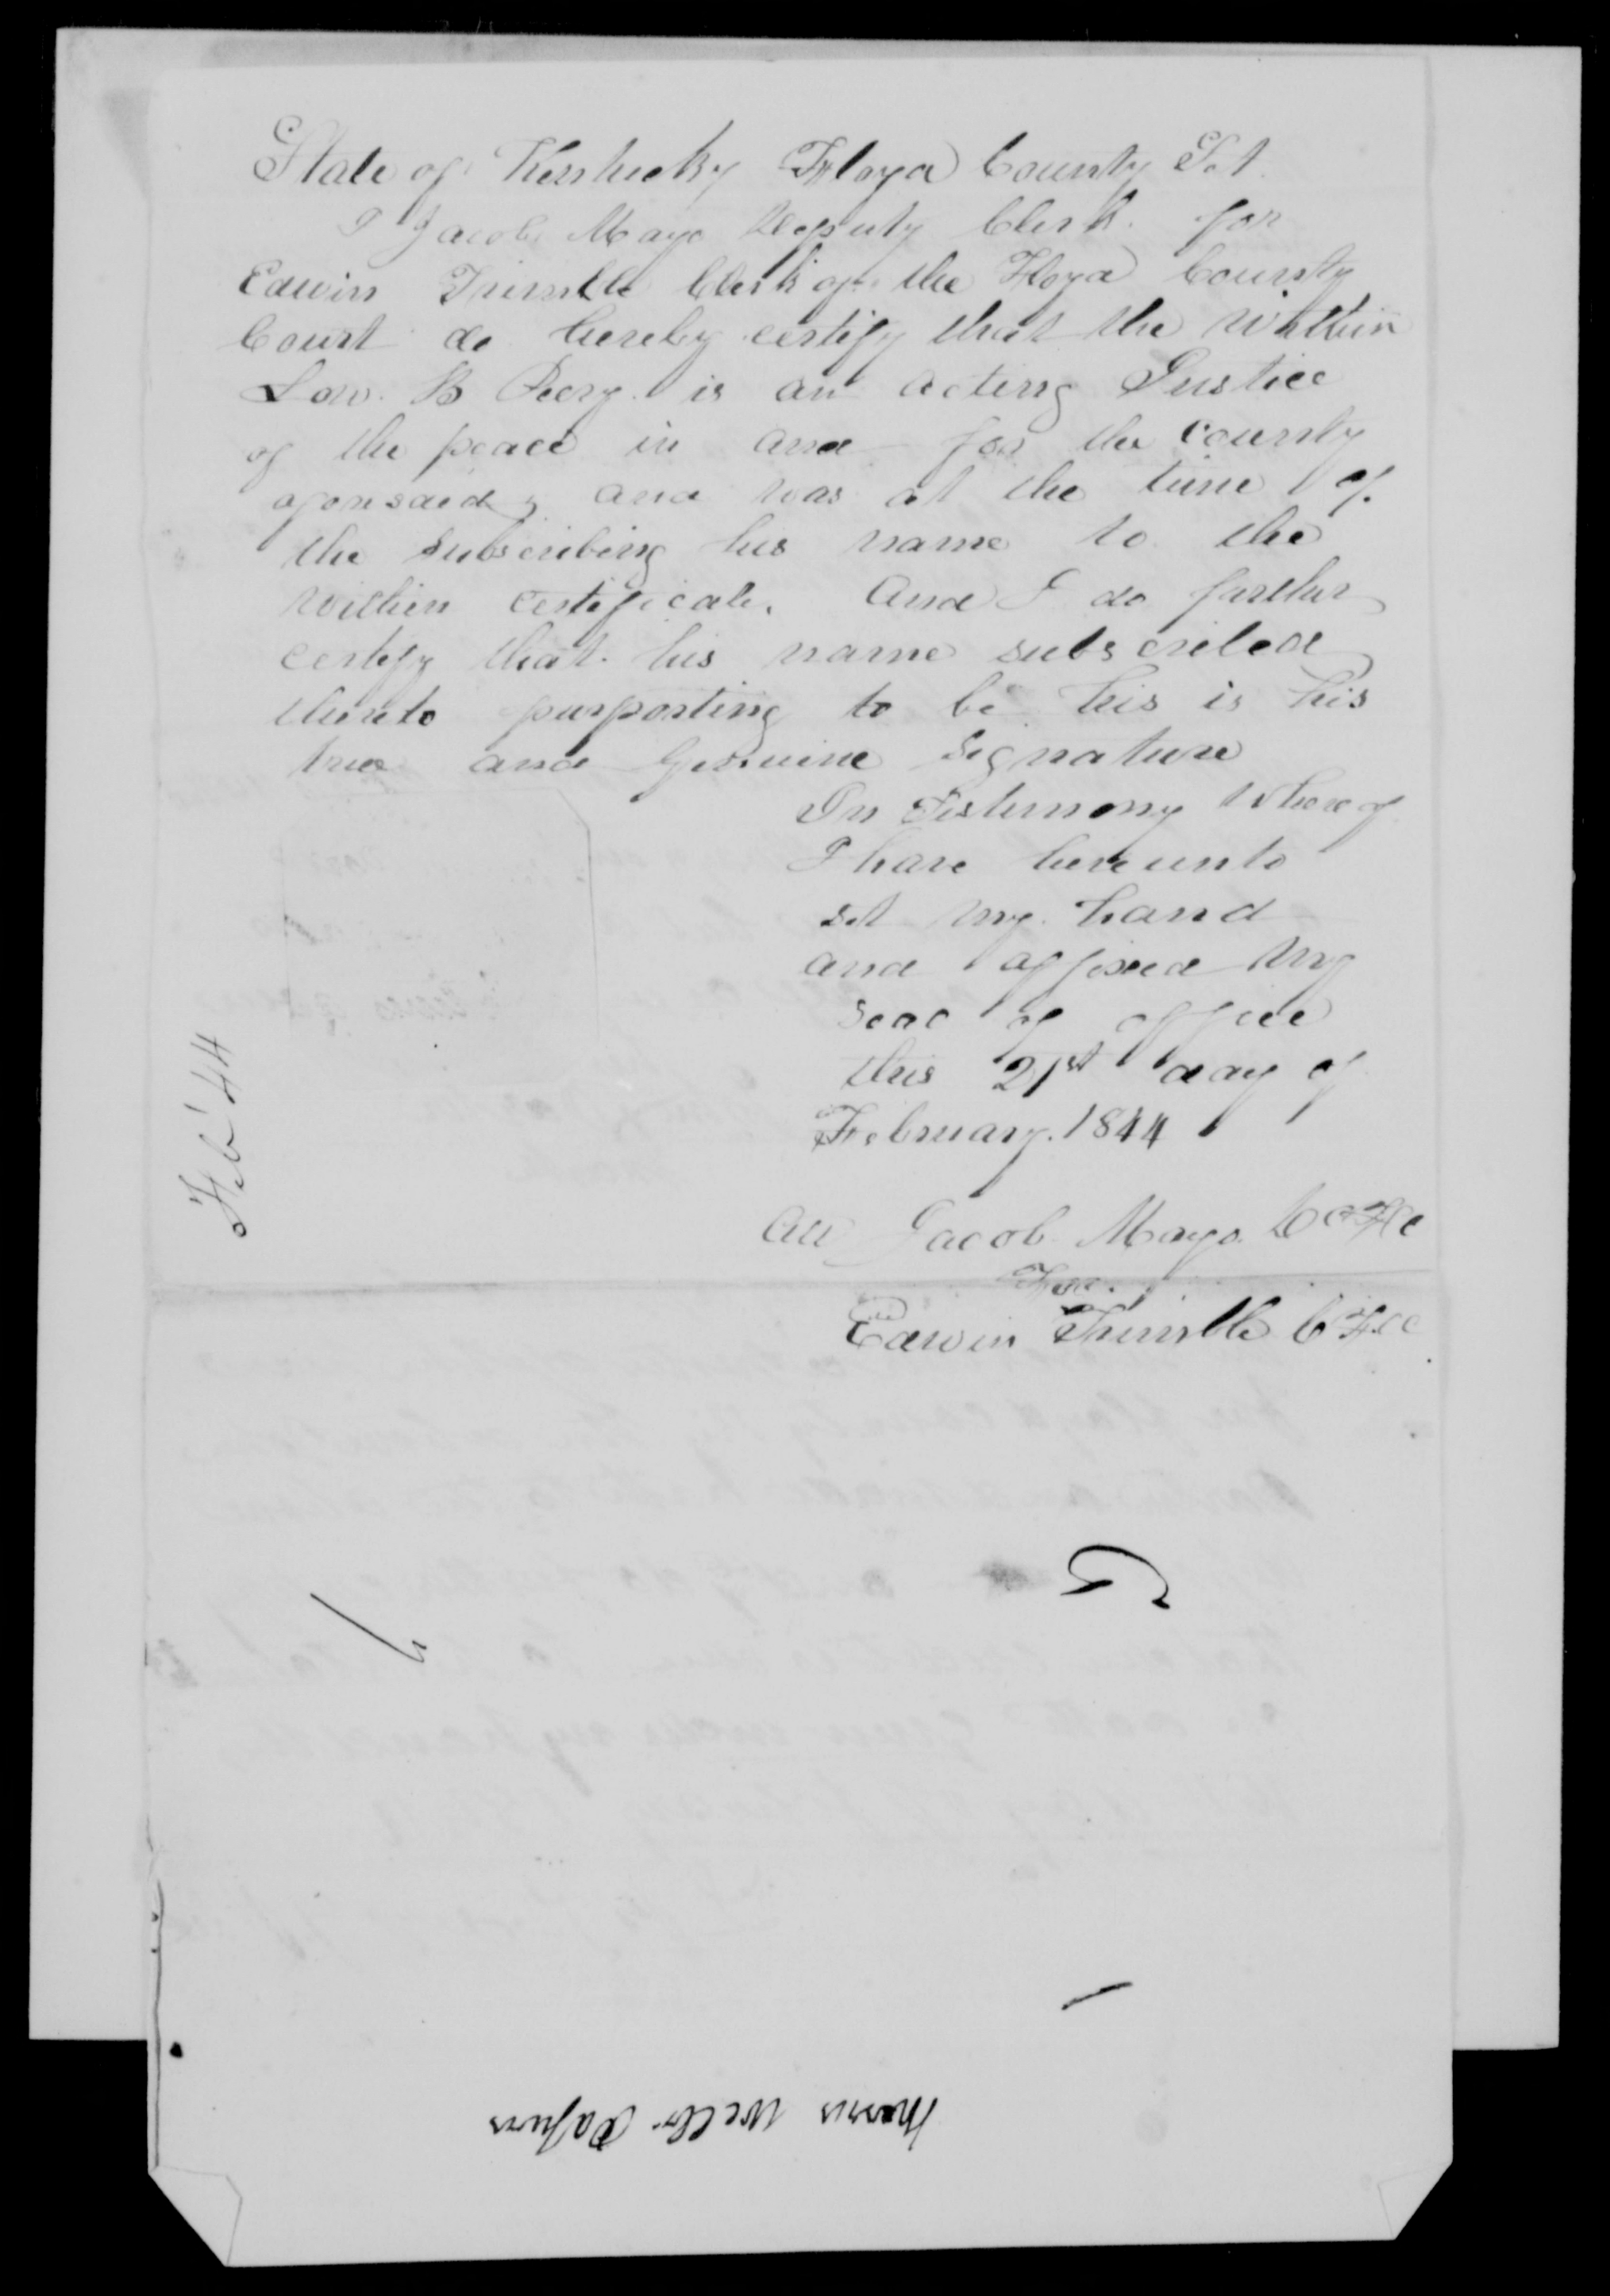[ State of Kentucky Floyd County ] Set  I Jacob Mayo Deputy Clerk for Edwin Trimble Clerk of the Floyd County Court do hereby certify that the within  Low B. Peery is an acting Justice of the peace in and for the County aforesaid and was at the time of the subscribing his name to the within certificate . And I do further certify that his name subscribed thereto purporting to be his is his true and genuine signature.  In testimony where of I have hereunto set my hand and affixed my seal of office this 21st day of February 1844.  Att Jacob Mayo  ( signed ) C F. C.  Edwin Trimble ( signed )  C. F. C. ( seal to left of signatures with date Feb '44)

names: Edwin Trimble, Jacob Mayo, Mosses Wells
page: 31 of 100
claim: widow's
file: W. 6437, Richard Wells, Ga Va.